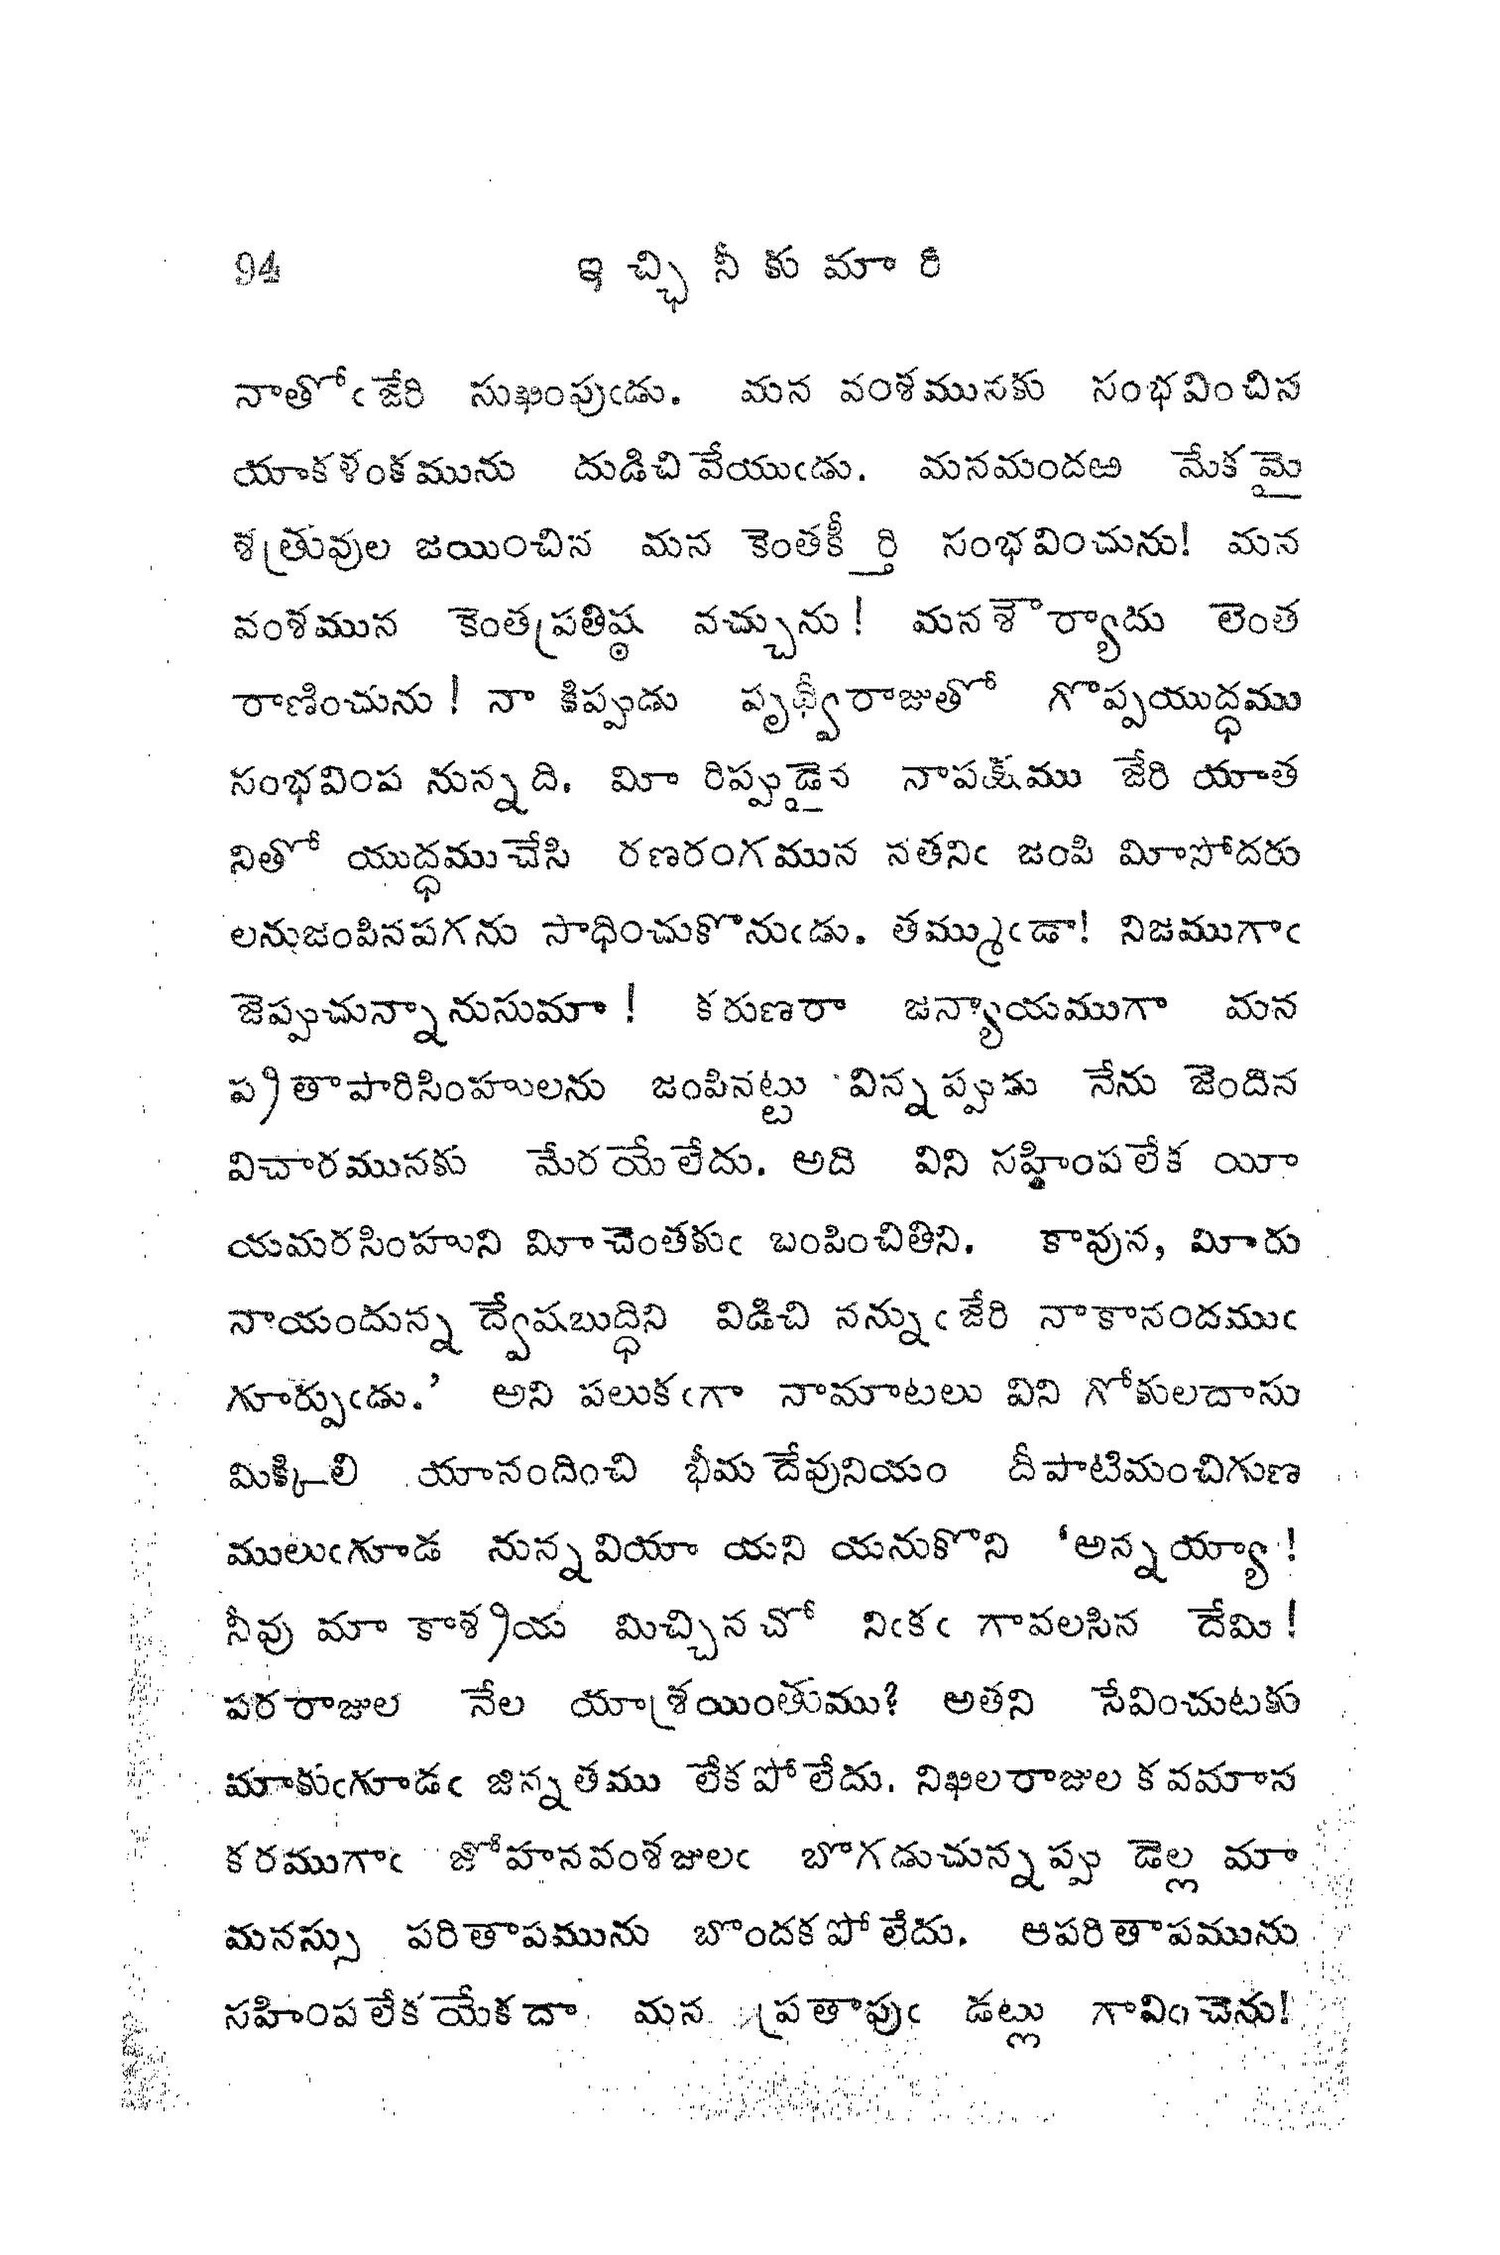నాతోఁ జేరి సుఖంపుఁడు. మన వంశమునకు సంభవించిస
యాకళంకమును దుడిచి వేయుఁడు. మనమందఱ మేక మై
శత్రువుల జయించిన మన కెంతకీ ర్తి సంభవించును! మన
వంశమున కెంత ప్రతిష్ఠ వచ్చును ! మన శౌర్యాదు లెంత
రాణించును ! నా కిప్పుడు పృథ్వీరాజుతో గొప్ప యుద్ధము
సంభవింప నున్నది. మీరిప్పుడైన నాపక్షము జేరి యాత
నితో యుద్ధము చేసి రణరంగమున నతనిఁ జంపి మీ సోదరు
లనుజంపిన పగను సాధించుకొనుఁడు. తమ్ముఁడా! నిజముగాఁ
జెప్పుచున్నాను సుమా! కరుణరా జన్యాయముగా మన
ప్రతాపారిసింహులను జంపినట్టు 'విన్నప్పుడు నేను జెందిన
విచారమునకు మేర యే లేదు. అది విని సహింప లేక యీ
యమరసింహుని మీ చెంతకుఁ బంపించితిని.కావున, మీరు
నాయందున్న ద్వేషబుద్ధిని విడిచి నన్నుఁ జేరి నాళానందముఁ
గూర్పుఁడు.' అని పలుక (గా నామాటలు విని గోకులదాసు
మిక్కిలి .యానందించి భీమ దేవునియం దీపాటి మంచిగుణ
ములుఁగూడ నున్న వియా యని యనుకొని 'అన్నయ్యా !
నీవు మా కాశ్రయ మిచ్చిన చో నిఁకఁ గావలసిన దేమి !
పర రాజుల నేల యాశ్రయింతుము? అతని సేవించుటకు
మాకుఁగూడఁ జిన్నతము లేక పోలేదు. నిఖిల రాజుల కవమాన
కరముగాఁ 'జోహన వంశజులఁ బొగడుచున్నప్పుడెల్ల మా
మనస్సు పరితాపమును బొందక పో లేదు, ఆపరితాపమును
సహింప లేక యేక దా మన. ప్రతాపుఁ డట్లు గావించెను!